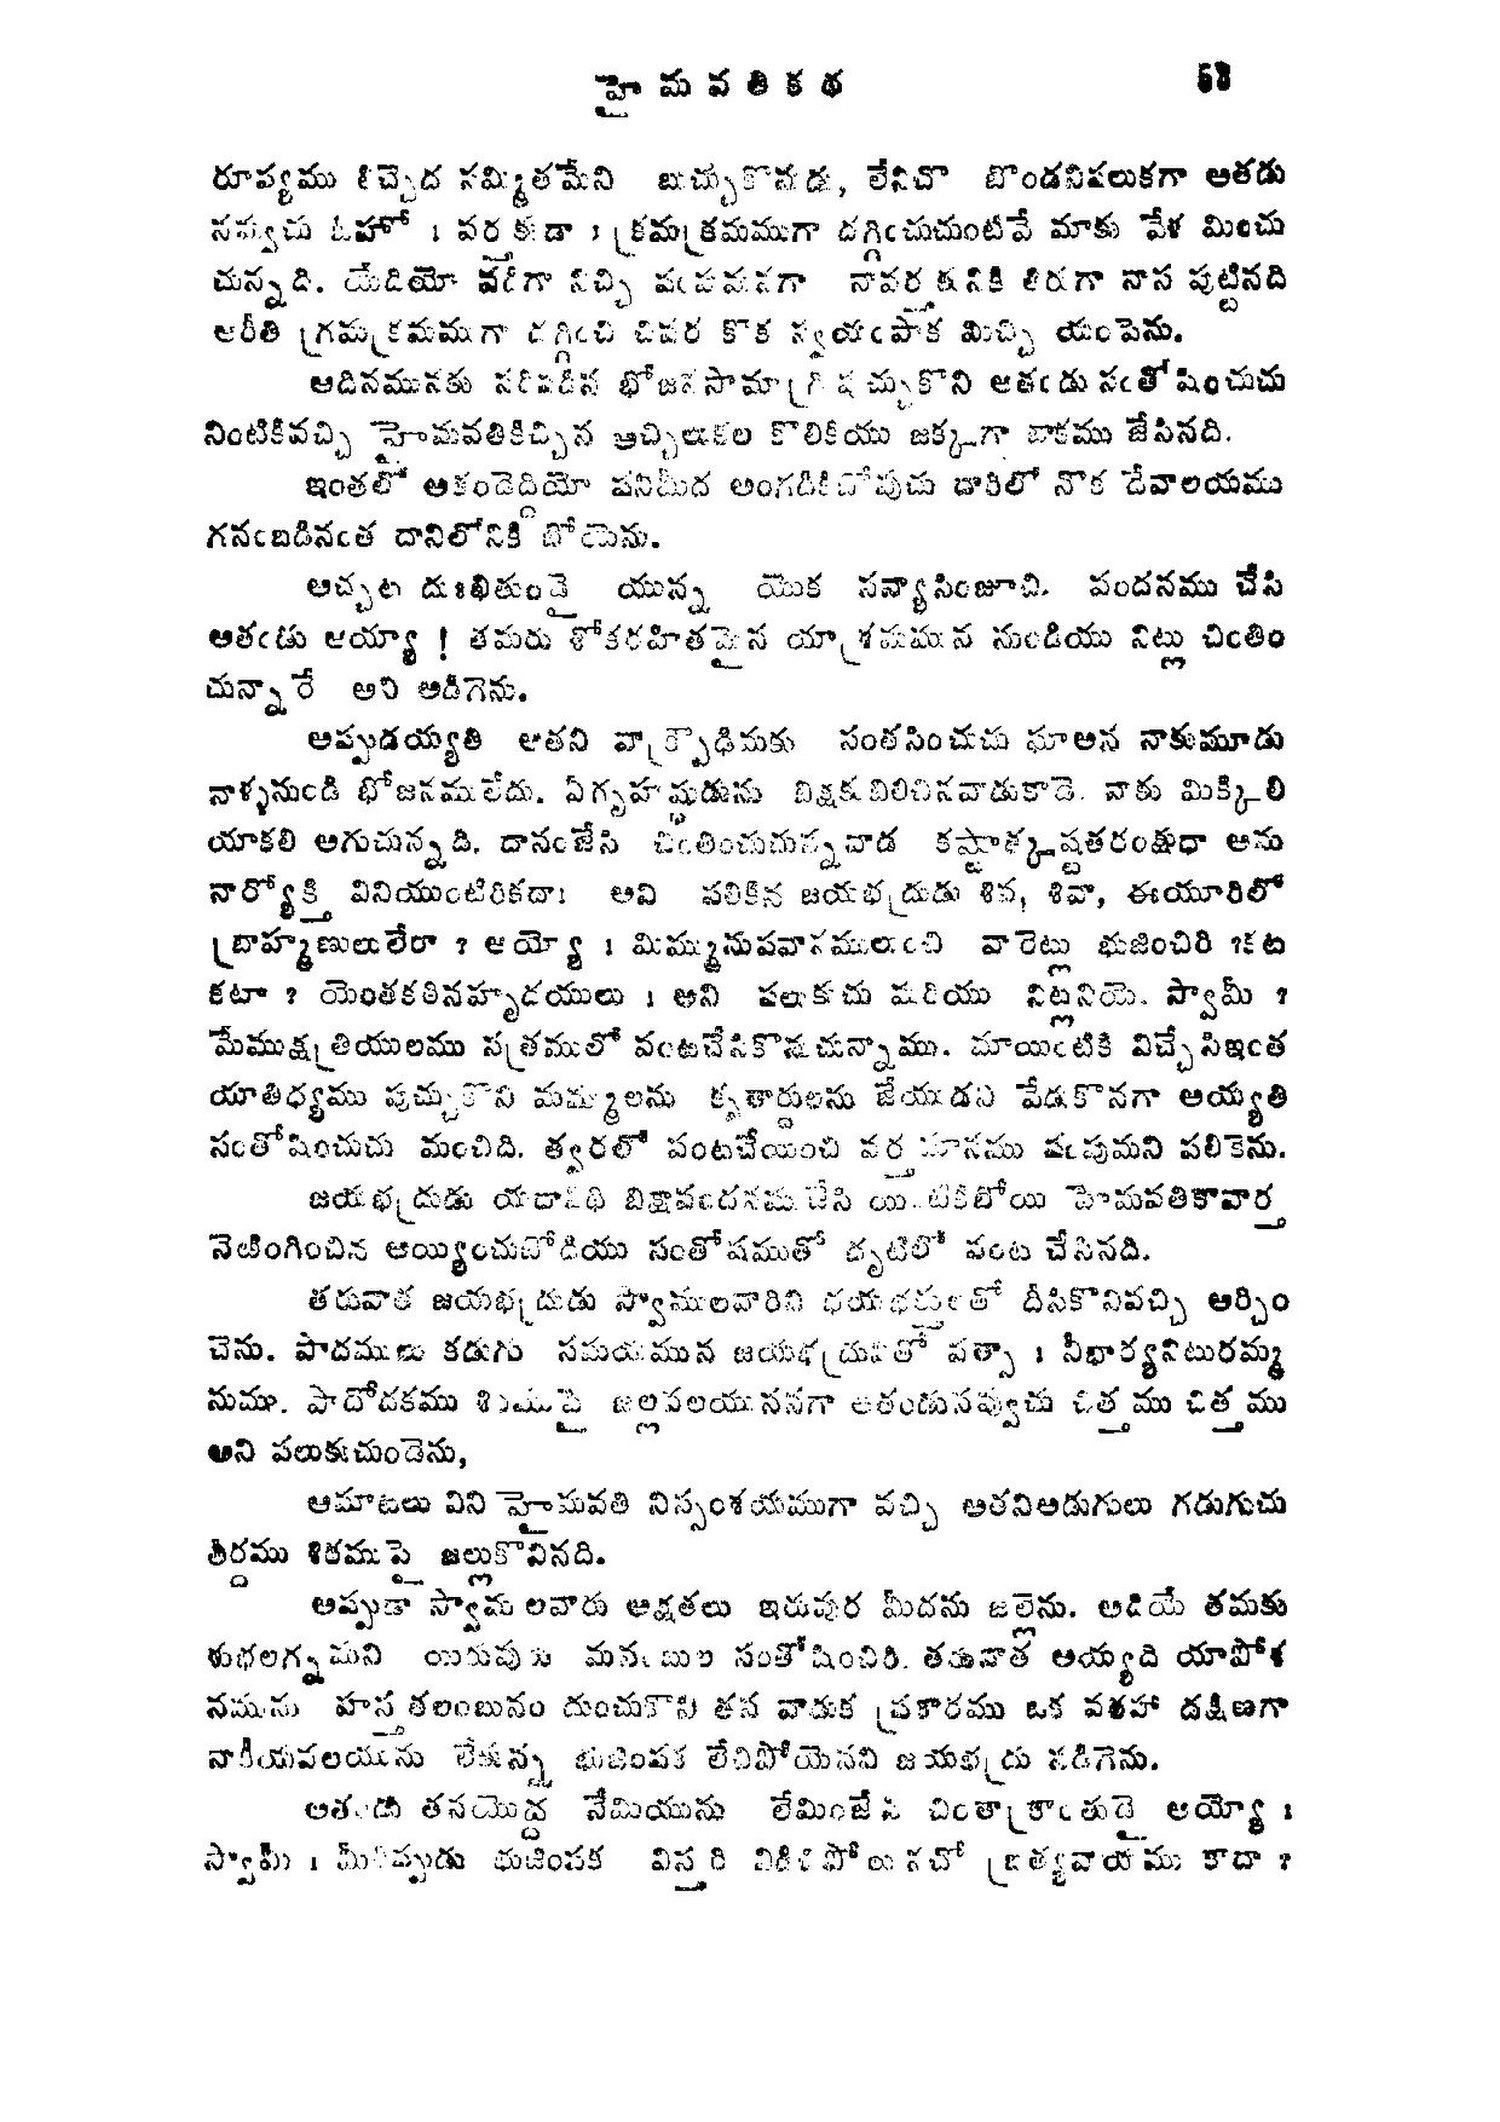రూప్యము లిచ్చెద సమ్మితమేని బుచ్చుకొనుడు, లేనిచొ బొండనిపలుకగా అతడు నవ్వుచు ఓహో! వర్తకుడా? క్రమక్రమముగా దగ్గించుచుంటివే మాకు వేళ మించుచున్నది. యేదియో వడిగా నిచ్చి పంపమనగా నావర్తకునికి తిరుగా నాస పుట్టినది అరీతి గ్రమక్రమముగా దగ్గించి చివర కొక స్వయంపాక మిచ్చి యంపెను.

ఆదినమునకు సరిపడిన భోజనసామాగ్రి పుచ్చుకొని అతఁడు సంతోషించుచు నింటికివచ్చి హైమవతి కిచ్చిన అచ్చిలుకలకొలికియు జక్కగా బాకము జేసినది.

ఇంతలో అతండెద్దియో పనిమీద అంగడికి బోవుచు దారిలో నొక దేవాలయము గనంబడినంత దానిలోనికి బోయెను.

ఆచ్చట దుఃఖితుండై యున్న యొక సన్యాసింజూచి, వందనము చేసి అతఁడు అయ్యా ! తమరు శోకరహితమైన యాశ్రమమున నుండియు నిట్లు చింతించుచున్నారే అని అడిగెను.

అప్పుడయ్యతి అతని వాక్ప్రఢిమకు సంతసించుచు అనఘా నాకు మూడునాళ్ళనుండి భోజనములేదు. ఏ గృహస్థుడును బిక్షకు బిలిచినవాడుకాడె. నాకు మిక్కిలి యాకలి అగుచున్నది. దానంజేసి చింతించుచున్నవాడ. కష్టాత్కష్టతరంక్షుధా అను నార్యోక్తి వినియుంటిరికదా! అని పలికిన జయభద్రుడు శివ, శివా, ఈయూరిలో బ్రాహ్మణులులేరా? ఆయ్యో! మిమ్మునుపవాసములుంచి వారెట్లు భుజించిరి? కట కటా? యెంతకఠినహృదయులు! అని పలుకుచు మరియు నిట్లనియె. స్వామీ?
మేముక్షత్రియులము సత్రములో వంటచేసికొనుచున్నాము. మాయింటికి విచ్చేసి ఇంత యాతిధ్యము పుచ్చుకొని మమ్ములను కృతార్థులను జేయుడని వేడుకొనగా అయ్యతి సంతోషించుచు మంచిది. త్వరలో వంటచేయించి వర్తమానము పంపుమని పలికెను.

జయభద్రుడు యథావిధి బిక్షావందనము జేసి యింటికి బోయి హైమవతి కావార్త నెఱింగించిన అయ్యించుబోడియు సంతోషముతో దృటిలో వంట చేసినది.

తరువాత జయభద్రుడు స్వాములవారిని భయభక్తులతో దీసికొనివచ్చి అర్చించెను. పాదములు కడుగు సమయమున జయభద్రునితో వత్సా! నీభార్య నిటు రమ్మనుము. పాదోదకము శిరముపై జల్లవలయుననగా అతండు నవ్వుచు చిత్తము చిత్తము అని పలుకుచుండెను.

ఆమాటలు విని హైమవతి నిస్సంశయముగా వచ్చి అతనిఅడుగులు గడుగుచు తీర్దము శిరముపై జల్లుకొనినది.

అప్పుడా స్వాములవారు అక్షతలు ఇరువుర మీదను జల్లెను. అదియే తమకు శుభలగ్నమని యిరువురు మనంబుల సంతోషించిరి. తరువాత అయ్యది యాపోశనమును హస్తతలంబునం దుంచుకొని తన వాడుక ప్రకారము ఒక వరహా దక్షిణగా నాకీయవలయును లేకున్న భుజింపక లేచిపోయెనని జయభద్రు నడిగెను.

అతఁడు తనయొద్ద నేమియును లేమింజేసి చింతాక్రాంతుడై ఆయ్యో! స్వామీ! మీరిప్పుడు భుజింపక విస్తరి విడిచిపోయినచో బ్రత్యవాయము కాదా?